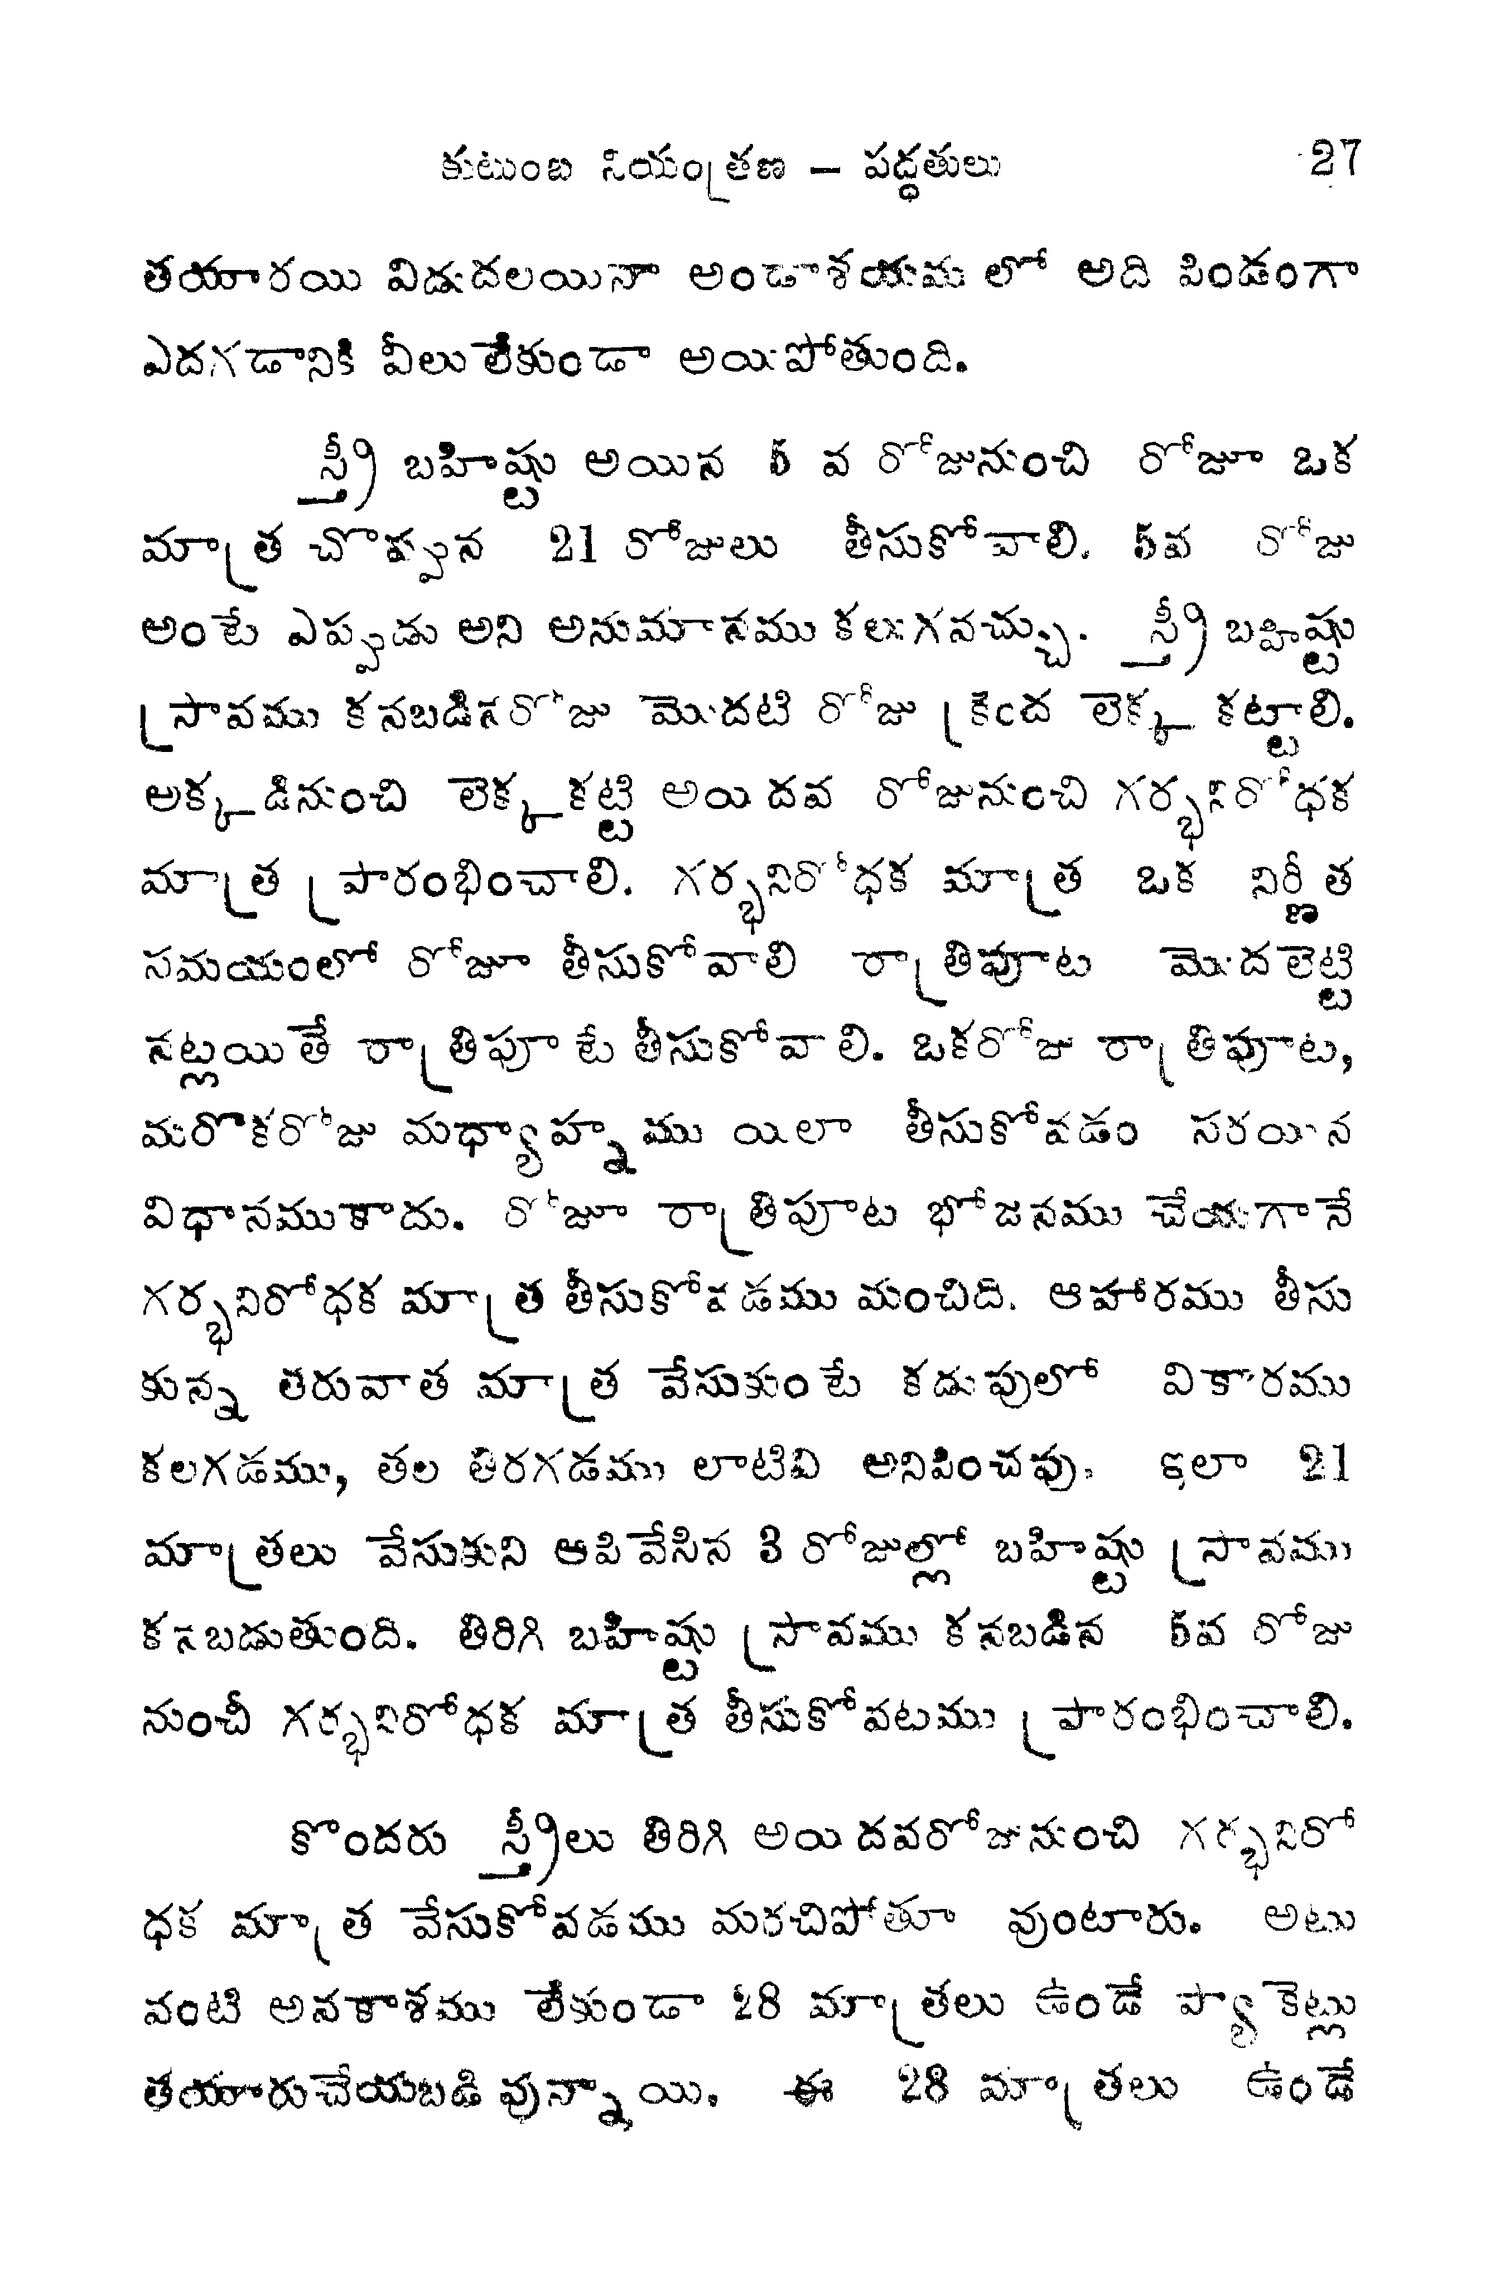తయారయి విడుదలయినా ఆండాశయములో అది పిండంగా ఎదగడానికి వీలులేకుండా అయిపోతుంది.

స్త్రీ బహిష్టు అయిన 5 వ రోజునుంచి రోజూ ఒక మాత్ర చొప్పున 21 రోజులు తీసుకోవాలి. 5వ రోజునుంచి అంటే ఎప్పుడు అని అనుమానము కలుగవచ్చు. స్త్రీబహిష్టు స్రావము కనబడినరోజు మొదటి రోజు క్రింద లెక్క కట్టాలి. అక్కడినుంచి లెక్కకట్టి అయిదవ రోజునుంచి గర్భనిరోధక మాత్ర ప్రారంభించాలి. గర్భనిరోధక మాత్ర ఒక నిర్ణీత సమయంలో రోజూ తీసుకోవాలి రాత్రిపూట మొదలెట్టినట్లయితే రాత్రిపూటే తీసుకోవాలి. ఒకరోజు రాత్రిపూట, మరొకరోజు మధ్యాహ్నము యిలా తీసుకోవడం సరయిన విధానము కాదు. రోజూ రాత్రిపూట భోజన్మము చేయగానే గర్భనిరోధక మాత్ర తీసుకోవడము మంచిది. ఆహారము తీసుకున్న తరువాత మాత్ర వేసుకుంటే కడుపులో వికారము కలగడము, తల తిరగడము లాటివి అనిపించవు. ఇలా 21 మాత్రలు వేసుకుని ఆపివేసిన 3 రోజుల్లో బహిష్టు స్తావము కనబడుతుంది. తిరిగి బహిష్టు స్తావము కనబడిన 5 వ రొజు నుంచీ గర్భనిరోధక మాత్ర తీసుకోవటము ప్ర్రారంభించాలి.

కొందరు స్త్రీలు తిరిగి అయిదవరోజునించి గర్భనిరోధక మాత్ర వేసుకోవడము మరిచిపోతూ వుంటారు. అటువంటి అవకాశము లేకుండా 28 మాత్రలు ఉండే ప్యాకెట్లు తయారుచేయబడివున్నాయి. ఈ 28 మాత్రలు ఉండే